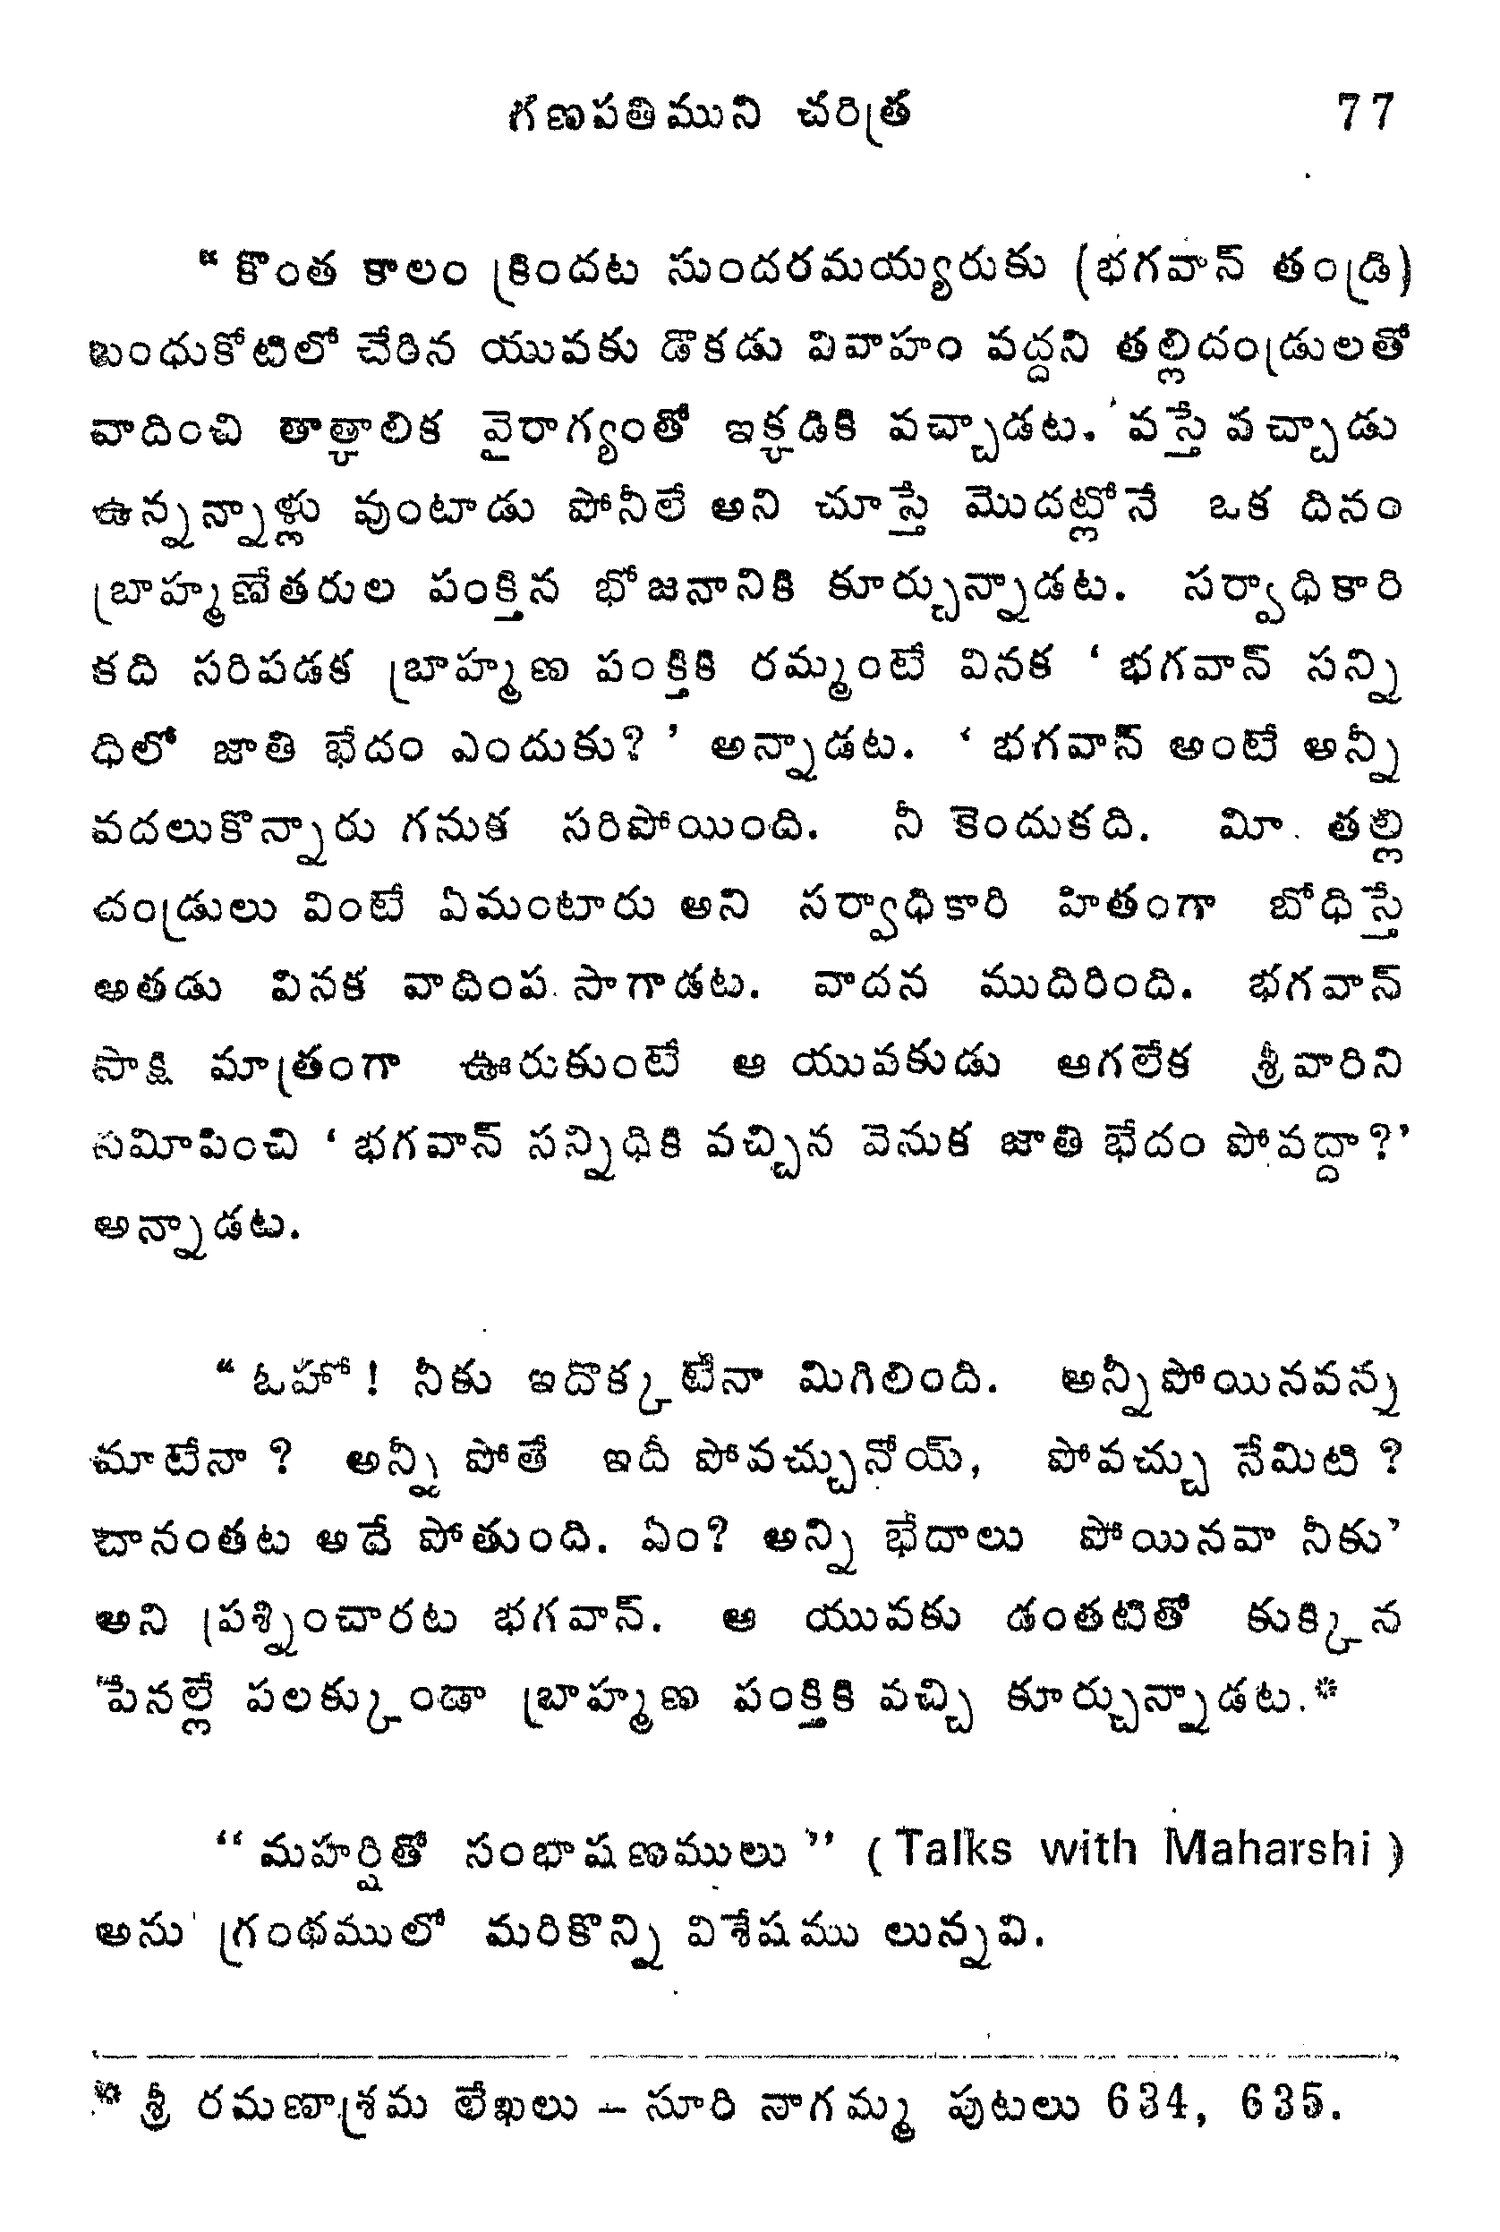"కొంత కాలం క్రిందట సుందరమయ్యరుకు (భగవాన్ తండ్రి) బంధుకోటిలో చేరిన యువకు డొకడు వివాహం వద్దని తల్లిదండ్రులతో వాదించి తాత్కాలిక వైరాగ్యంతో ఇక్కడికి వచ్చాడట. వస్తే వచ్చాడు ఉన్నన్నాళ్లు వుంటాడు పోనీలే అని చూస్తే మొదట్లోనే ఒక దినం బ్రాహ్మణేతరుల పంక్తిన భోజనానికి కూర్చున్నాడట. సర్వాధికారి కది సరిపడక బ్రాహ్మణ పంక్తికి రమ్మంటే వినక 'భగవాన్ సన్నిధిలో జాతి భేదం ఎందుకు?' అన్నాడట. 'భగవాన్ అంటే అన్నీ వదలుకొన్నారు గనుక సరిపోయింది. నీ కెందుకది. మీ తల్లిదండ్రులు వింటే ఏమంటారు అని సర్వాధికారి హితంగా బోధిస్తే అతడు వినక వాదింప సాగాడట. వాదన ముదిరింది. భగవాన్ సాక్షి మాత్రంగా ఊరుకుంటే ఆ యువకుడు ఆగలేక శ్రీవారిని సమీపించి 'భగవాన్ సన్నిధికి వచ్చిన వెనుక జాతి భేదం పోవద్దా?' అన్నాడట.

"ఓహో! నీకు ఇదొక్కటేనా మిగిలింది. అన్నీపోయినవన్న మాటేనా? అన్నీ పోతే ఇదీ పోవచ్చునోయ్, పోవచ్చు నేమిటి? దానంతట అదే పోతుంది. ఏం? అన్ని భేదాలు పోయినవా నీకు' అని ప్రశ్నించారట భగవాన్. ఆ యువకు డంతటితో కుక్కిన పేనల్లే పలక్కుండా బ్రాహ్మణ పంక్తికి వచ్చి కూర్చున్నాడట.

"మహర్షితో సంభాషణములు" (Talks With Maharshi) అను గ్రంథములో మరికొన్ని విశేషము లున్నవి.